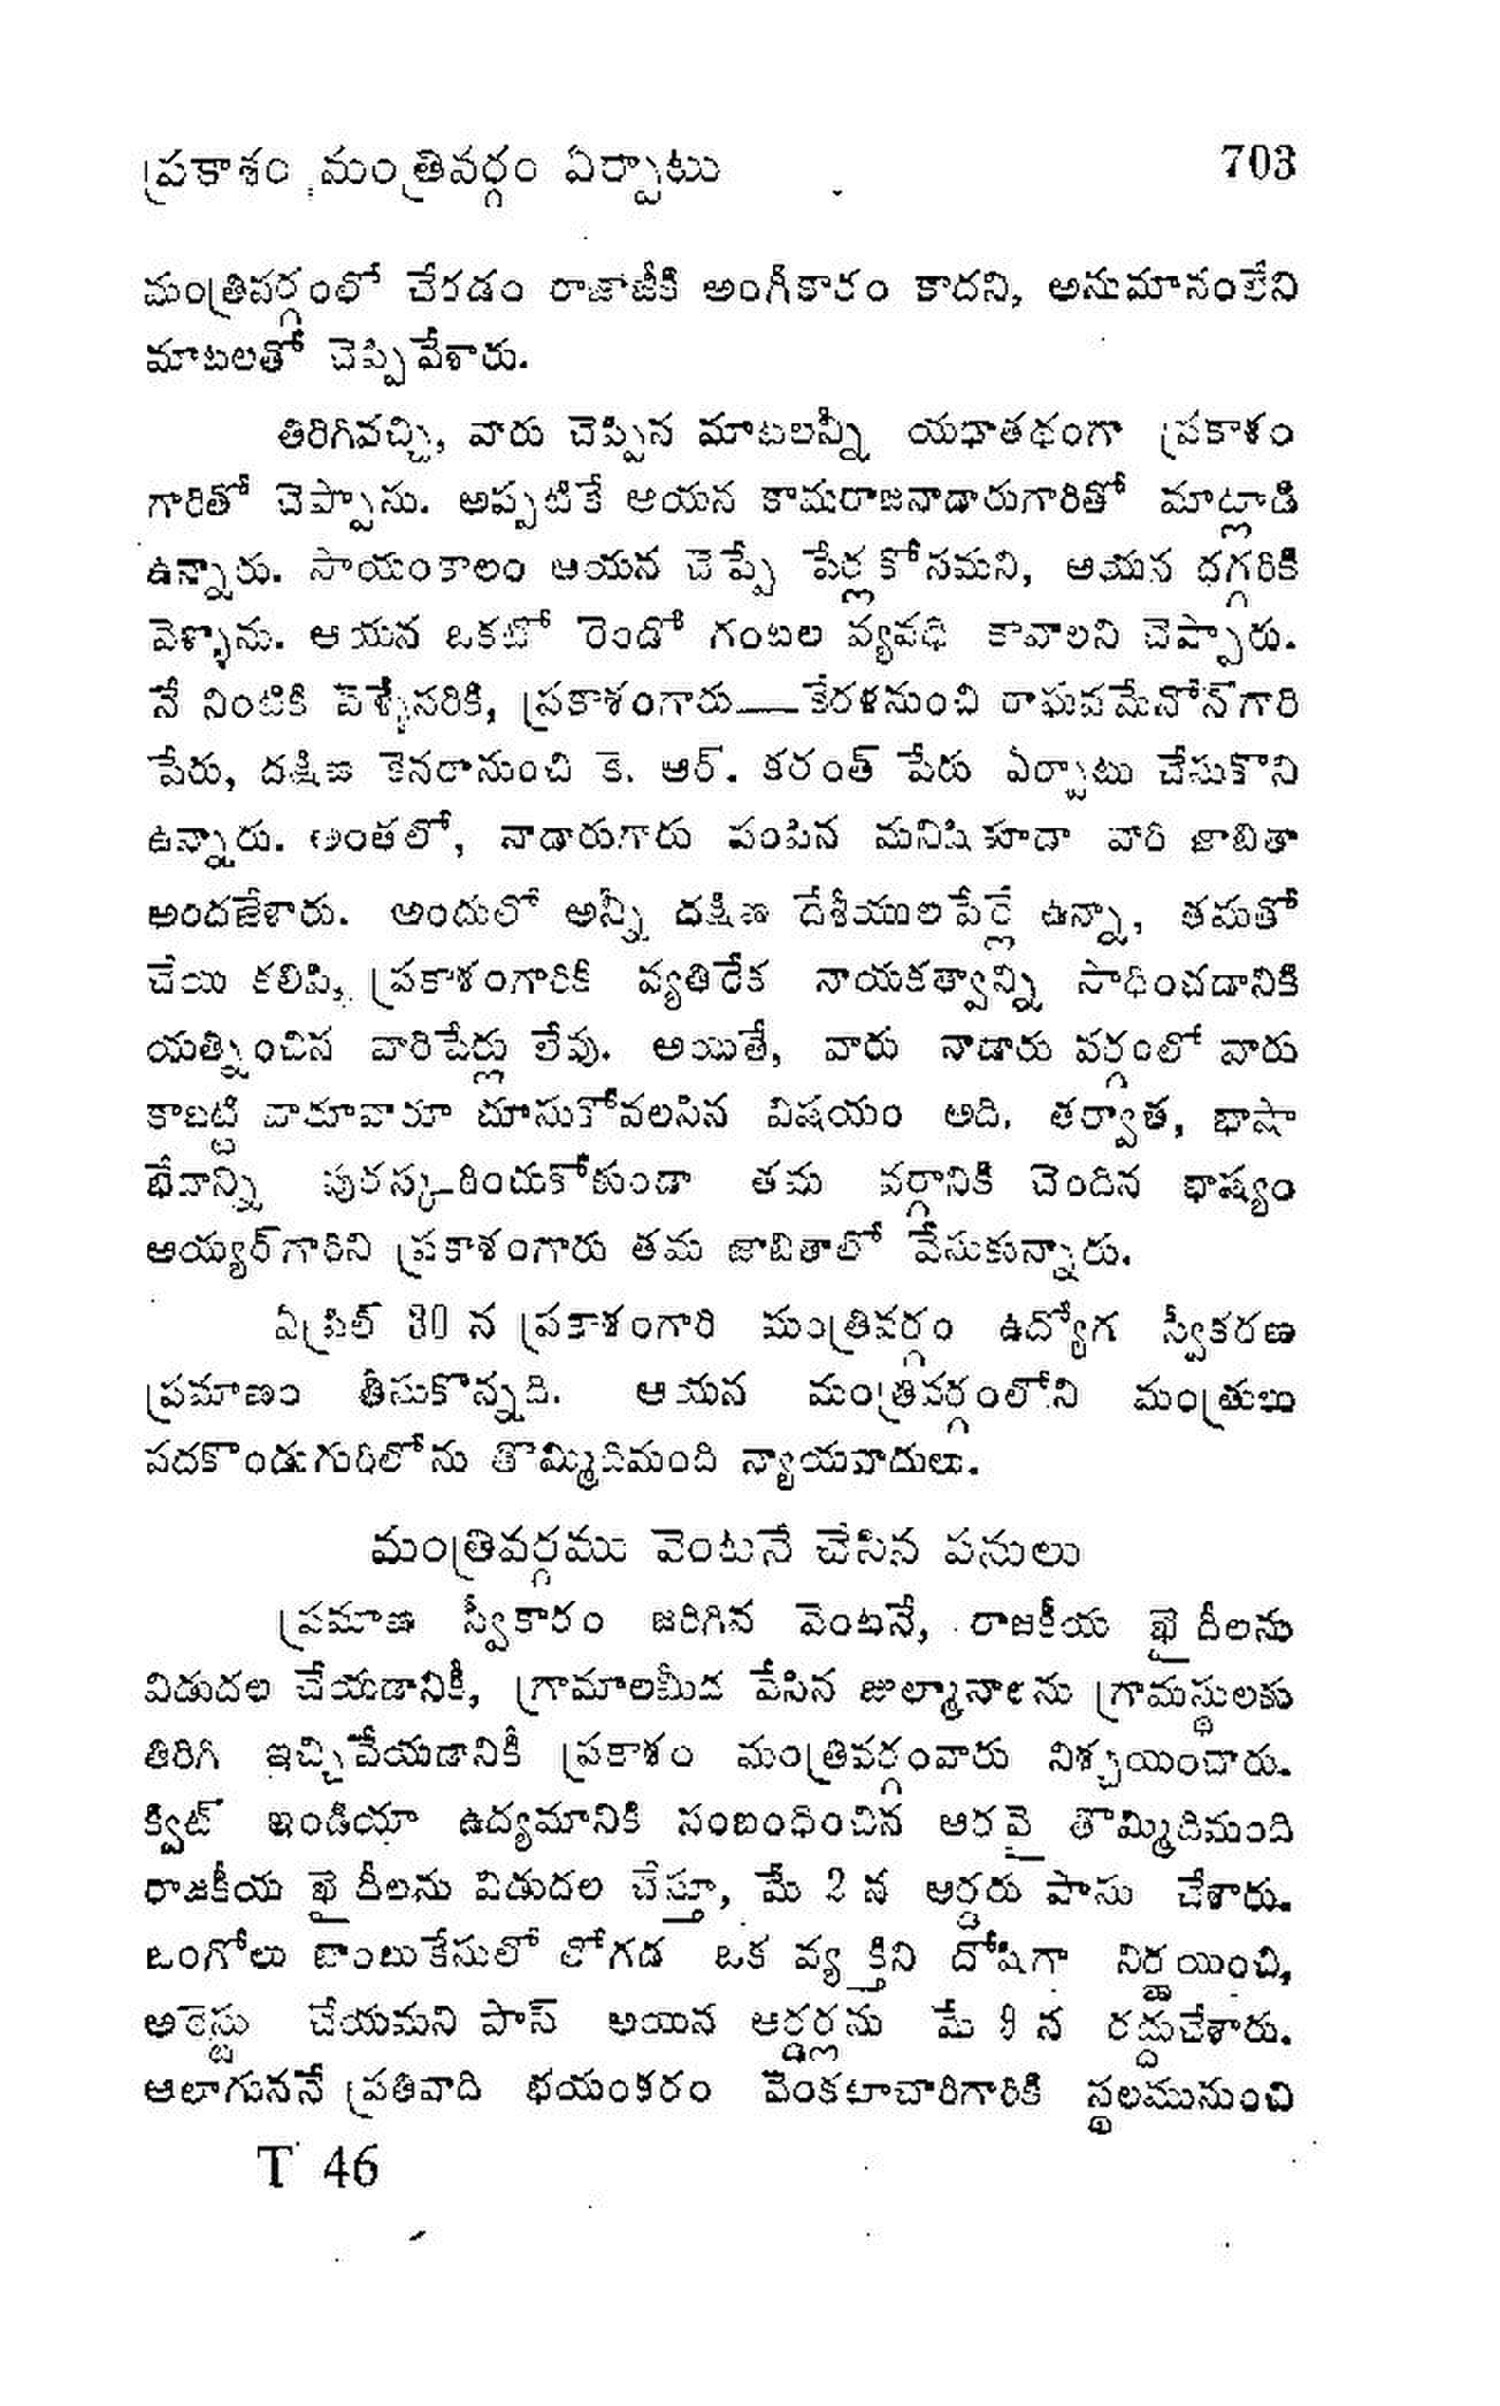మంత్రివర్గంలో చేరడం రాజాజీకి అంగీకారం కాదని, అనుమానంలేని మాటలతో చెప్పివేశారు.

తిరిగివచ్చి, వారు చెప్పిన మాటలన్నీ యధాతథంగా ప్రకాశం గారితో చెప్పాను. అప్పటికే ఆయన కామరాజనాడారుగారితో మాట్లాడి ఉన్నారు. సాయంకాలం ఆయన చెప్పే పేర్ల కోసమని, ఆయన దగ్గరికి వెళ్ళాను. ఆయన ఒకటో రెండో గంటల వ్యవధి కావాలని చెప్పారు. నే నింటికి వెళ్ళేసరికి, ప్రకాశంగారు - కేరళనుంచి రాఘవమేనోన్‌గారి పేరు, దక్షిణ కెనరానుంచి కె. ఆర్. కరంత్ పేరు ఏర్పాటు చేసుకొని ఉన్నారు. అంతలో, నాడారుగారు పంపిన మనిషి కూడా వారి జాబితా అందజేశారు. అందులో అన్నీ దక్షిణ దేశీయులపేర్లే ఉన్నా, తమతో చేయి కలిపి, ప్రకాశంగారికి వ్యతిరేక నాయకత్వాన్ని సాధించడానికి యత్నించిన వారిపేర్లు లేవు. అయితే, వారు నాడారు వర్గంలో వారు కాబట్టి వారూవారూ చూసుకోవలసిన విషయం అది. తర్వాత, భాషాభేదాన్ని పురస్కరించుకోకుండా తమ వర్గానికి చెందిన భాష్యం అయ్యర్‌గారిని ప్రకాశంగారు తమ జాబితాలో వేసుకున్నారు.

ఏప్రిల్ 30 న ప్రకాశంగారి మంత్రివర్గం ఉద్యోగ స్వీకరణ ప్రమాణం తీసుకొన్నది. ఆయన మంత్రివర్గంలోని మంత్రులు పదకొండుగురిలోను తొమ్మిదిమంది న్యాయవాదులు.

ప్రమామాణ స్వీకారం జరిగిన వెంటనే, రాజకీయ ఖైదీలను విడుదల చేయడానికీ, గ్రామాలమీద వేసిన జుల్మానాలను గ్రామస్థులకు తిరిగి ఇచ్చివేయడానికీ ప్రకాశం మంత్రివర్గంవారు నిశ్చయించారు. క్విట్ ఇండియా ఉద్యమానికి సంబంధించిన అరవై తొమ్మిదిమంది రాజకీయ ఖైదీలను విడుదల చేస్తూ, మే 2 న ఆర్డరు పాసు చేశారు. ఒంగోలు బాంబుకేసులో లోగడ ఒక వ్యక్తిని దోషిగా నిర్ణయించి, అరెస్టు చేయమని పాస్ అయిన ఆర్డర్లను మే 9 న రద్దుచేశారు. ఆలాగుననే ప్రతివాది భయంకరం వెంకటాచారిగారికి స్థలమునుంచి